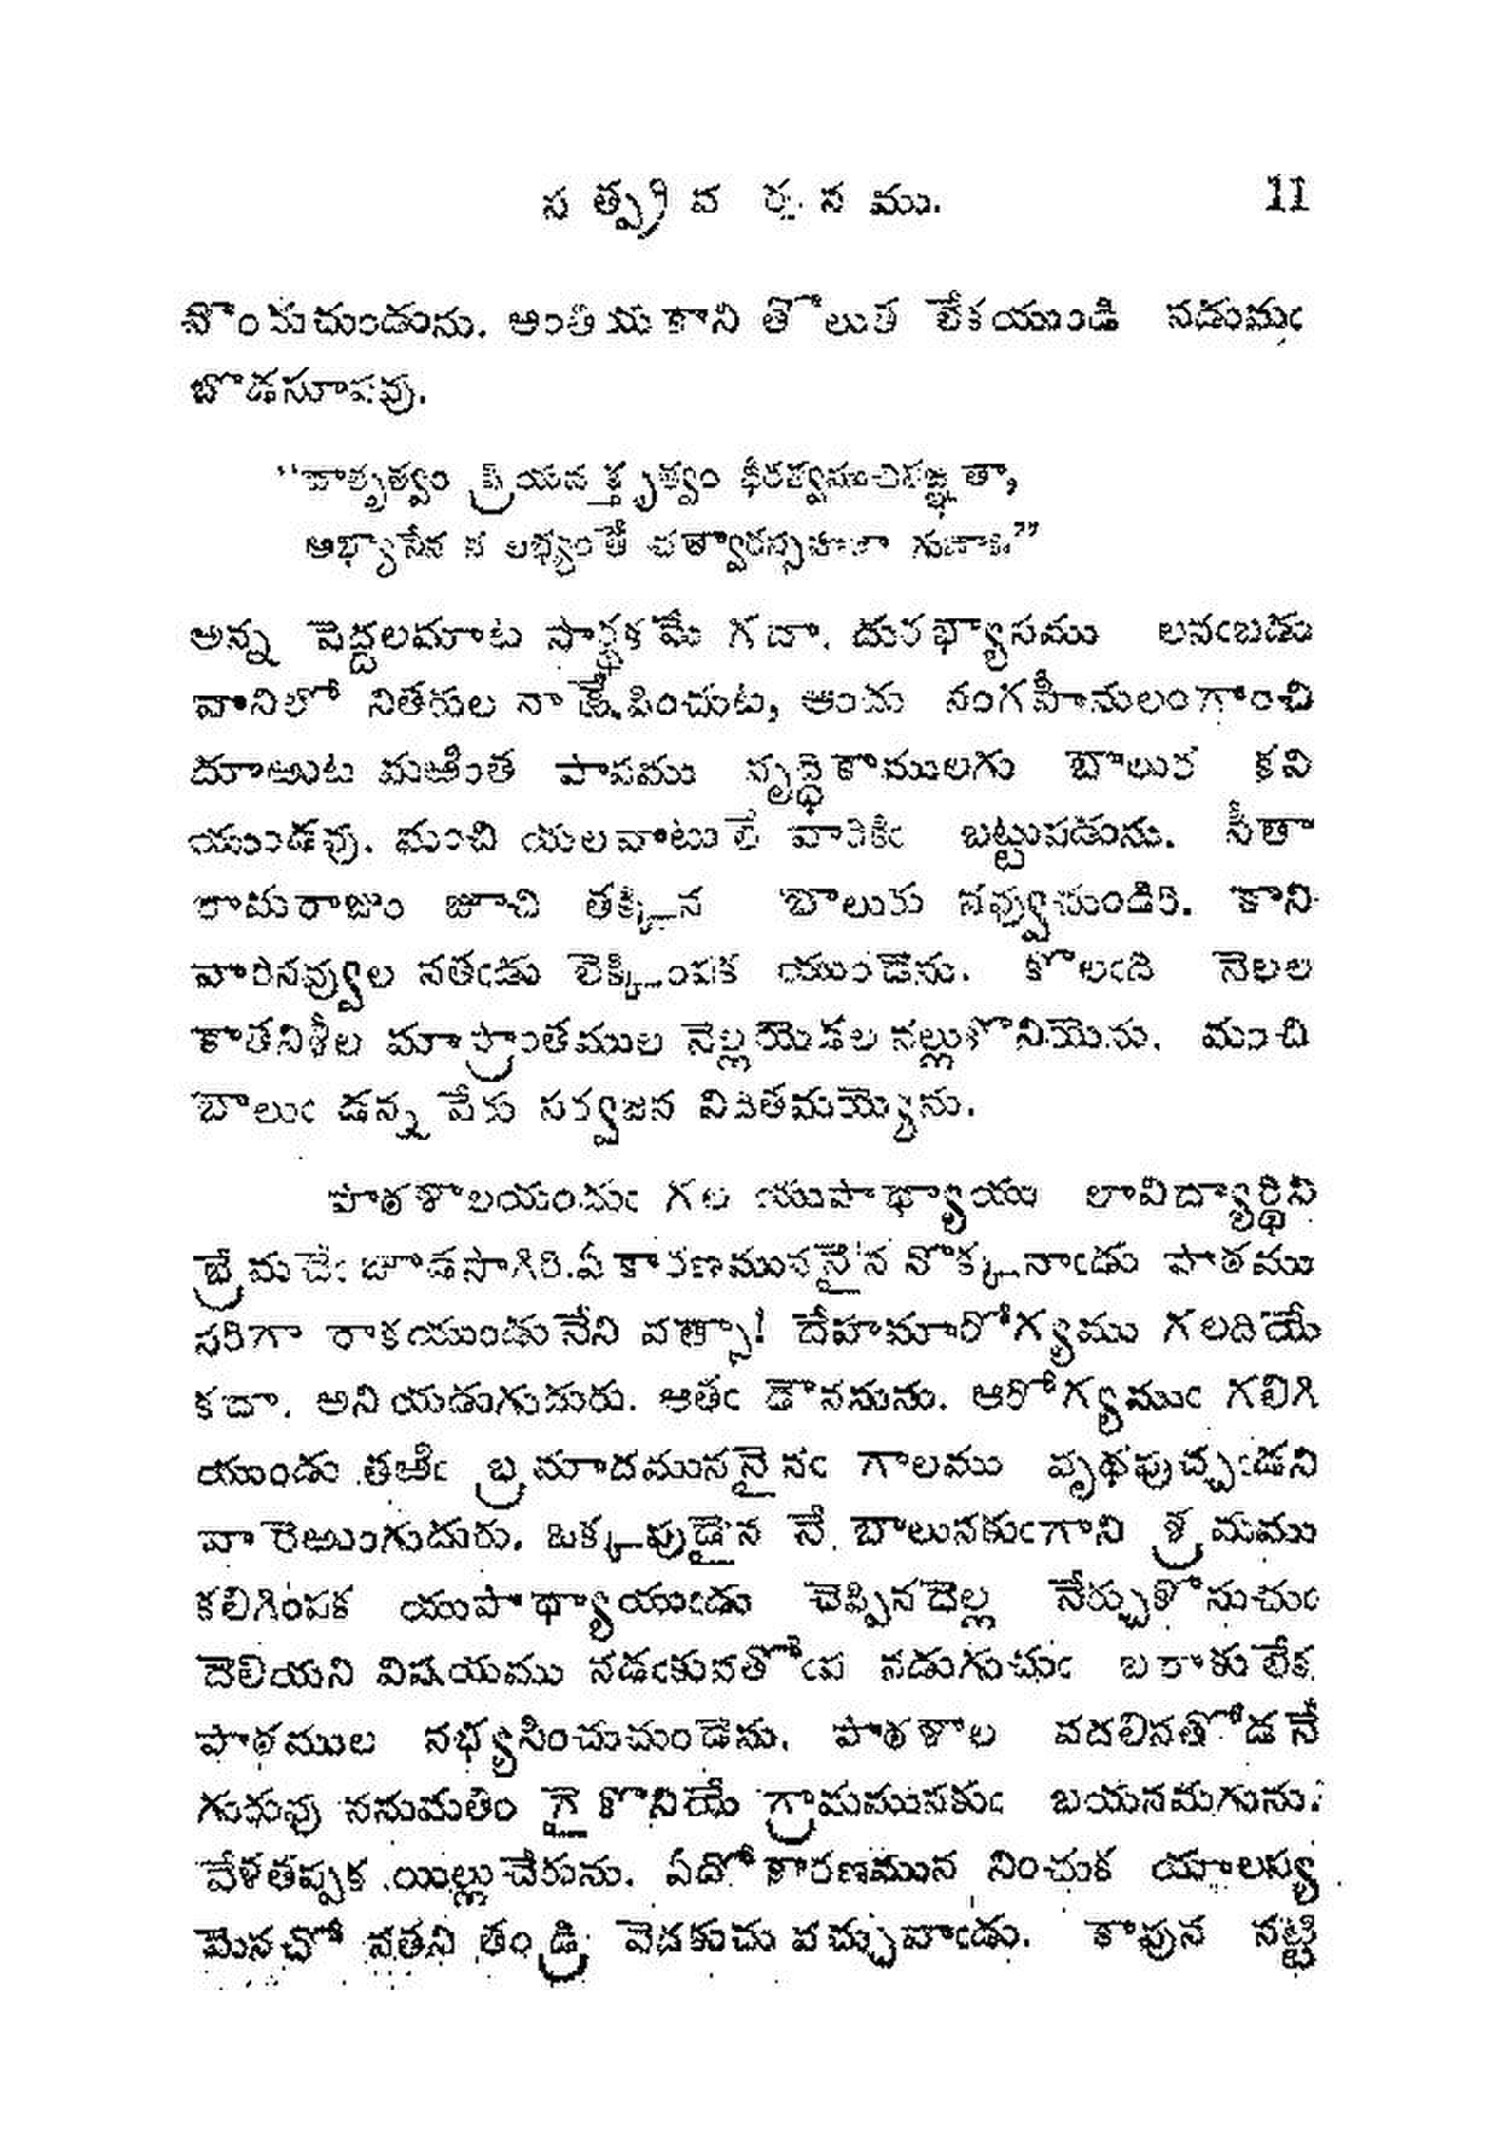నొందుచుండును. అంతియగానీ తొలుత లేక యుండి నడుము బొడసూపవు. 

వాళ్ళత్వం శ్రీయన శృశ్వం కశ్వసంచికతా,
ఆభ్యాసేన న లభ్యం తో చత్వారస్సహ గుణాలు" 

అన్న పెద్దలమాట సార్థక మే గదా, దురభ్యాసము లనఁబడు వానిలో నితరుల నాక్షేపించుట, అందు నంగహీనులం గాంచి దూఱుట మఱింత పాపము వృద్ది కొములగు బాలుర కవి యుండవు. మంచి యలవాటులే వారికి బట్టుపడును. సీతా రామరాజుం, జూచి తన బాలురు నవ్వుచుండిరి. 'కానీవారినవ్వుల నతఁడు లెక్కింపక యుండెను. కొలది నెలల కాతనిశీల మా ప్రాంతముల నెల్ల యెడల నల్లుకొనియెను, ముచి బాలుఁడన్న పేరు సర్వజన నిశితమయ్యెను.

పాఠశాలయందు గల యుపాధ్యాయు లావిద్యార్థిని బ్రేమచే జూడసాగిరి.ఏ కారణమున నైన నొక్కనాఁడు పాఠము సరిగా రాకయుండు నేని వత్సా! దేహమారోగ్యము గలది యే కదా, అని యడుగుదురు. అతఁ డొననును. ఆరోగ్యముఁ గలిగి
యుండు తఱిఁ బ్రమాదముననైనఁ గాలము వృథపుచ్చ:డని వారెఱుగుదురు. ఒక్క ప్పుడైననే, బాలునకుఁగానీ శ్రమము కలిగింపక యుపాధ్యాయుడు చెప్పిన దెల్ల నేర్చుకొనుచుఁ దెలియని విషయము నడఁకువతోను నడుగుచుఁ బరాకు లేక, 'పాఠముల నభ్యసించుచుండెను, పాఠశాల వదలినతోడనే గురువు 'సనుమతిం కొనియే గ్రామమునకుఁ బయనమగును. వేళతప్పక యిల్లు చేరును. ఏదో కారణమున నించుక యాలస్య , మెనచో నతని తండ్రి వెదకుచు వచ్చువాడు. 'కావున నట్టి
T.
.
.